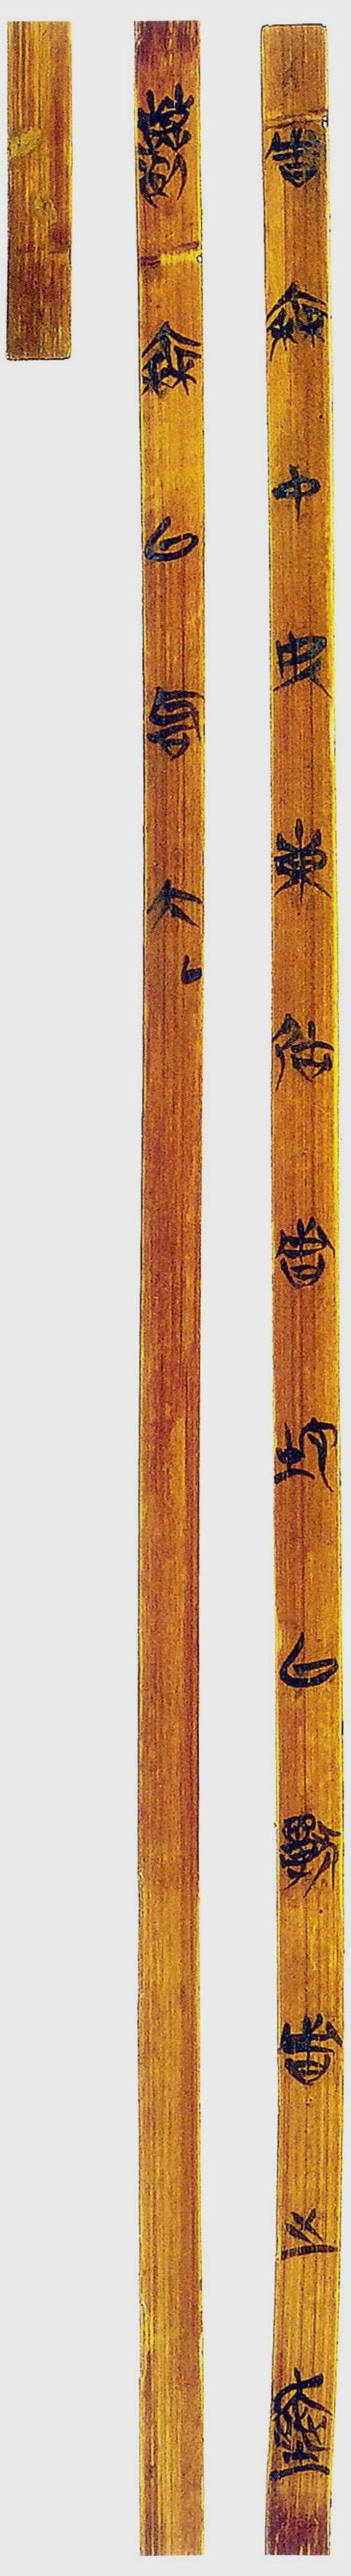周秦中𡚦東居周地㠯（以）{單犬}周之{奔土}{莫死}秦㠯（以）{㠯ㅋ}大
